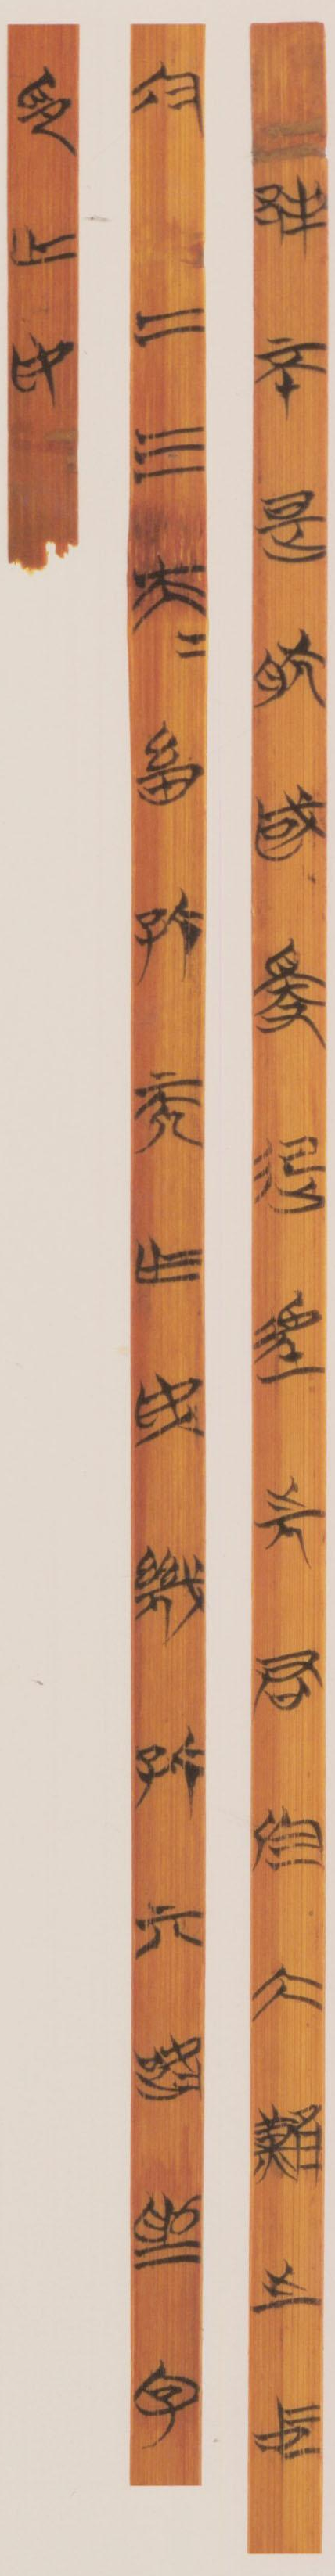邦不是肰或爯起𫊟先君於大難之𠁩今二三夫=畜孤而乍𡚦幾孤亓{足欠}爲免卬亡女
